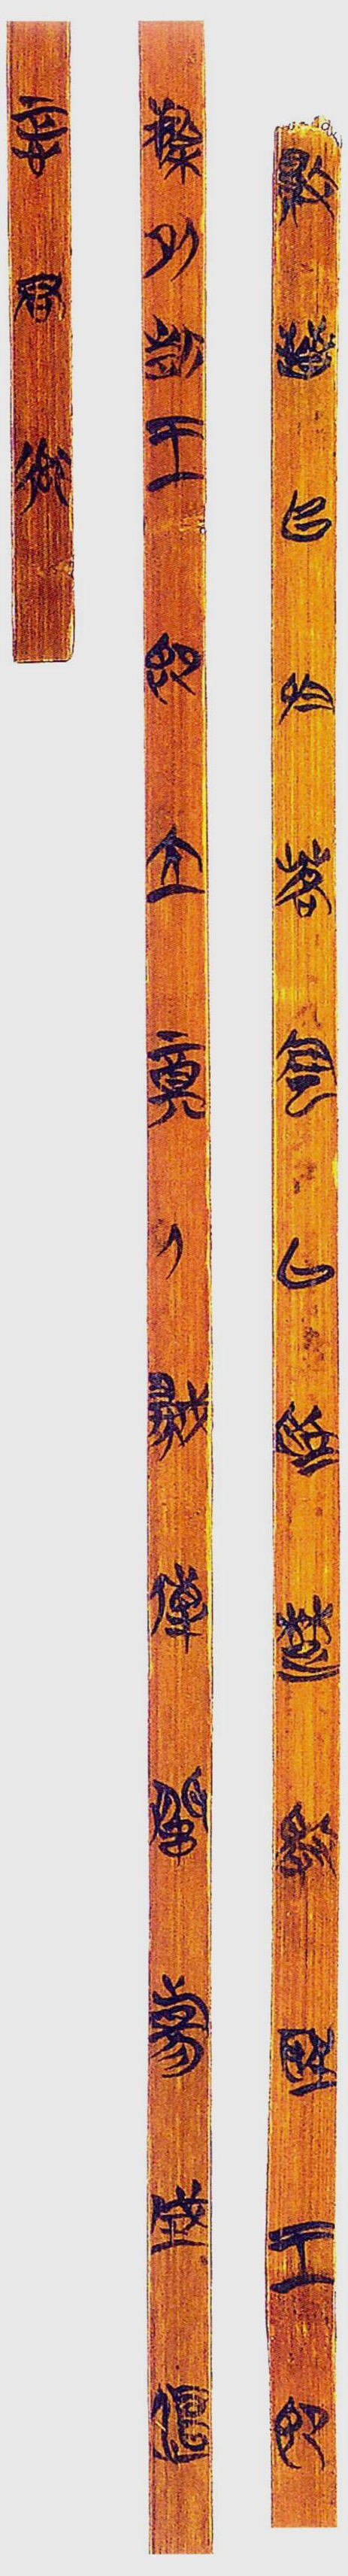敗晉𠂤於茖侌㠯（以）爲楚{爰攴}聖王即殜{夕刀}折王即立奠人{帚戈}{人牛賣}{門串}{㫃昜}城洹{正心}君率
